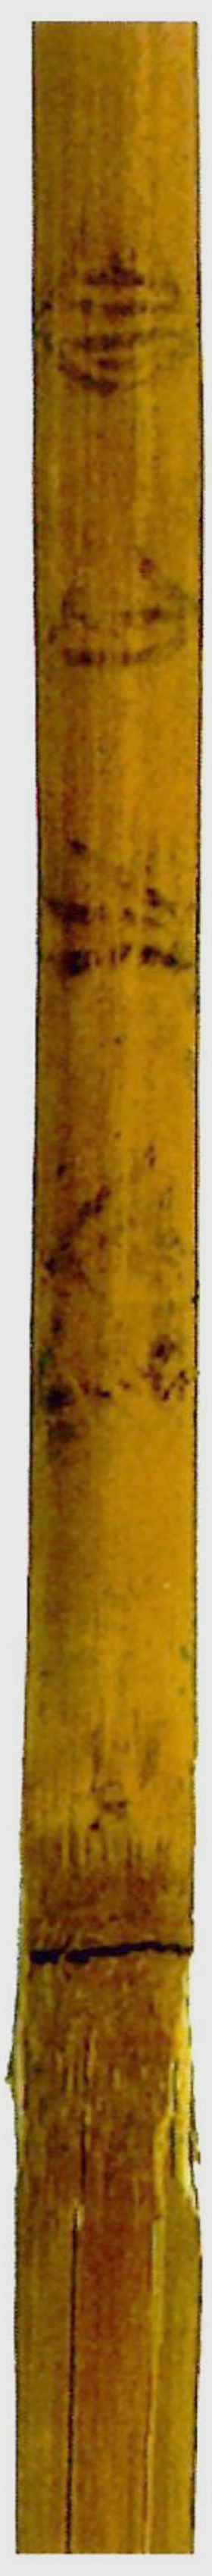周公之頌志一
